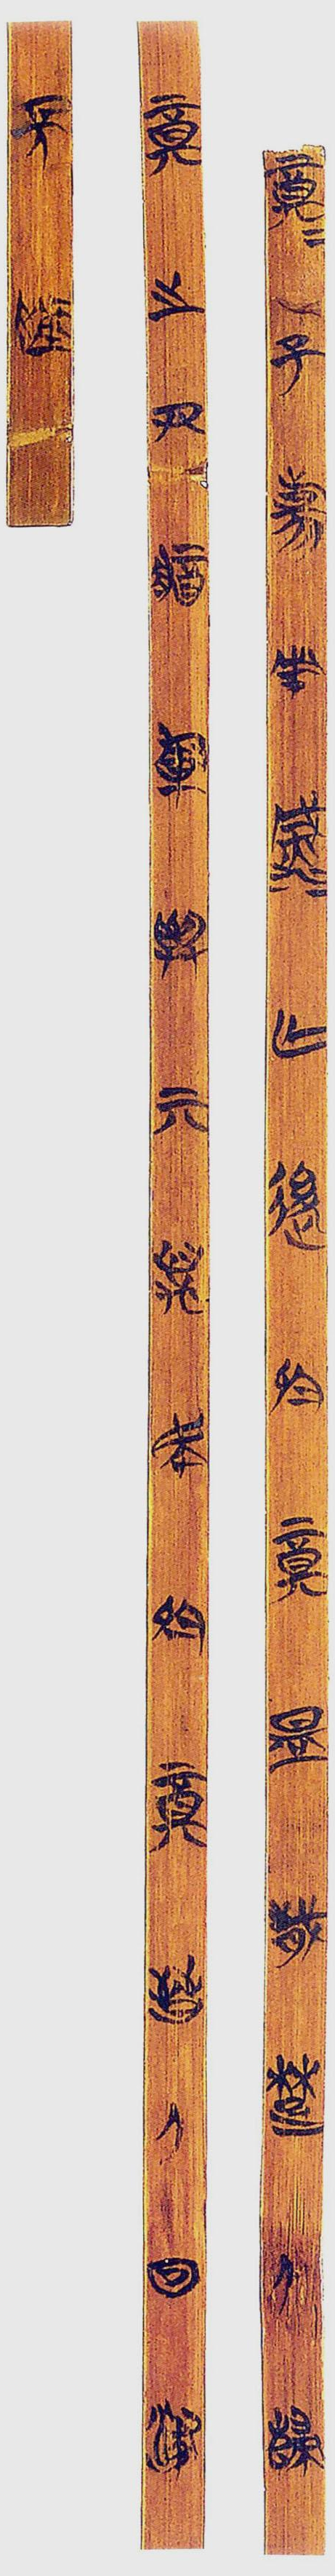奠=子{㫃昜}用滅亡後於奠昷歲楚人{𡴎帚}奠之四𨟻軍與亓萬民於奠晉人回{水？}長陵
